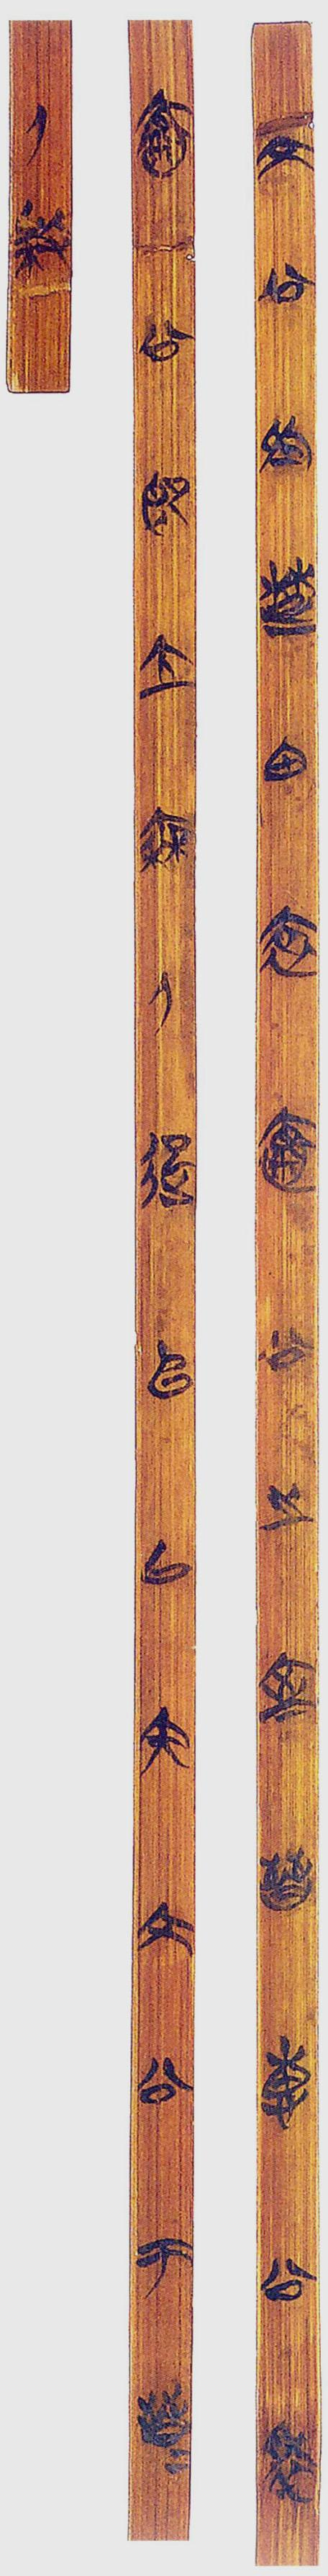文公於楚囟{衣衣}褱公之室晉惠公卒B褱公即立秦人起𠂤㠯（以）內文公于晉=人殺
